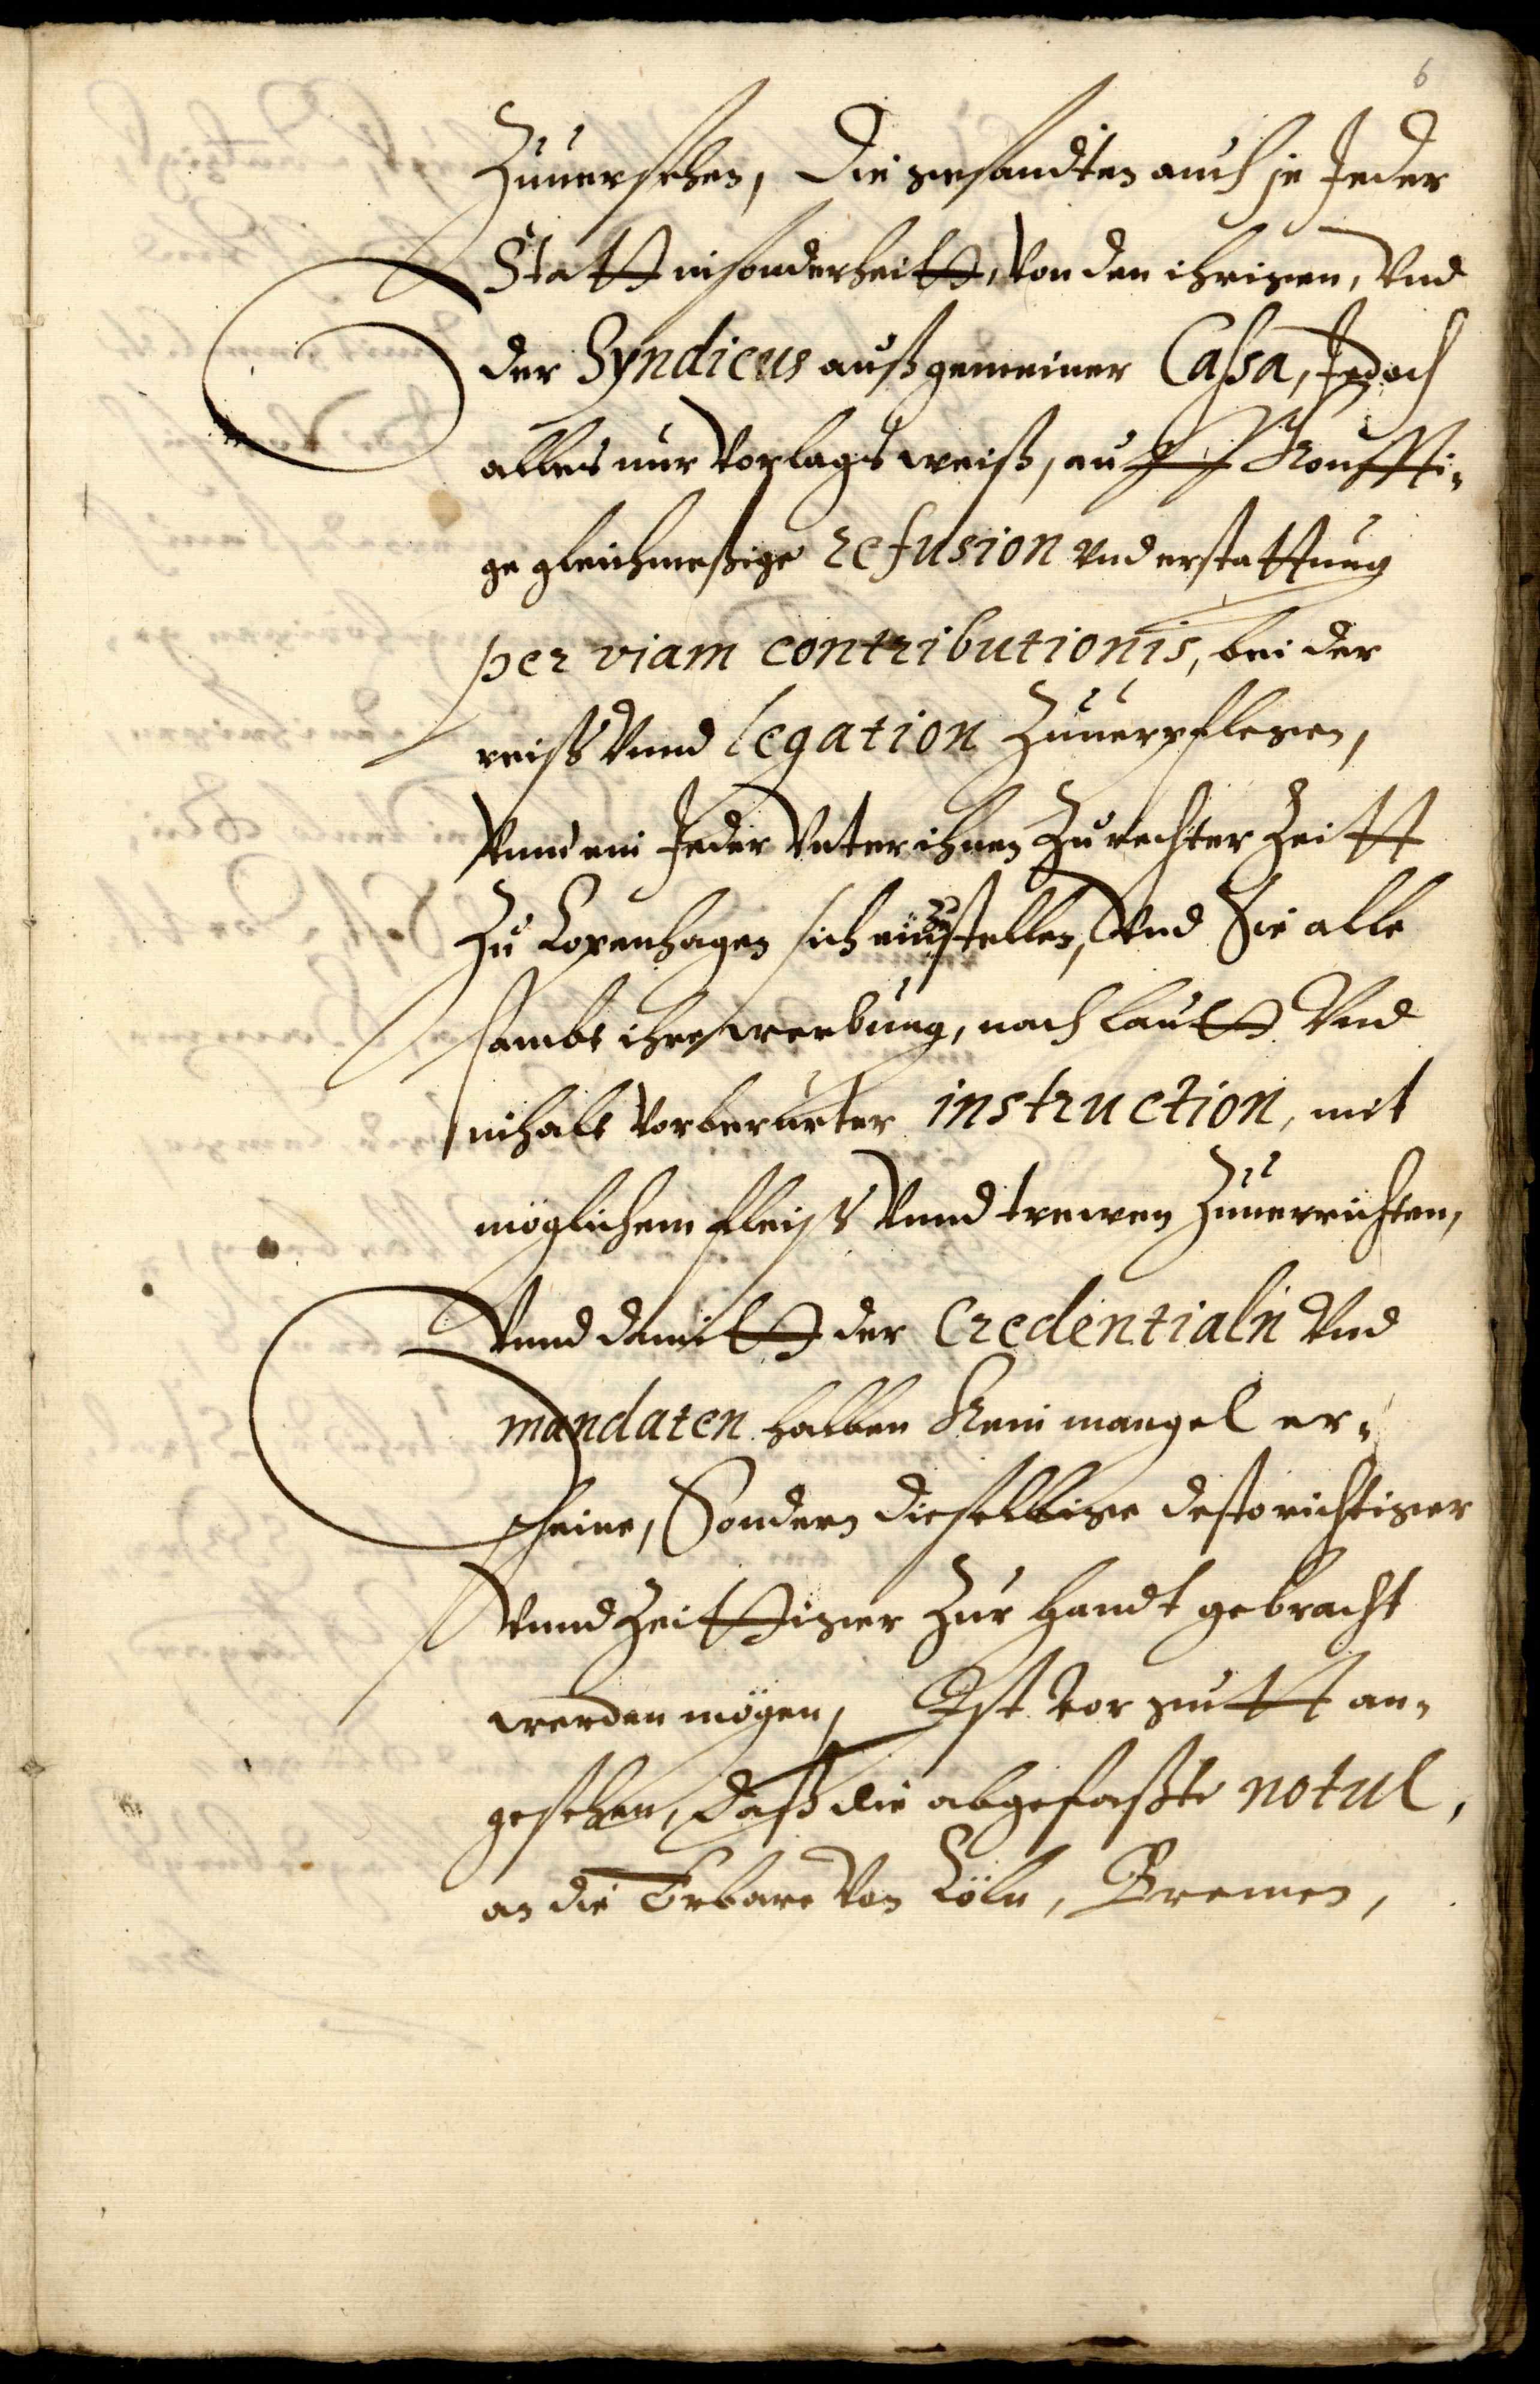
Zuuersehen, die gesandten auch je Jeder
Statt insonderheitt, Von den ihrigen, Vnd
der Syndicus auß gemeiner Cassa, Jedoch
alles nur Vorlages weiß, auff Konffti¬
ge gleichmeßige refusion vnd erstattung
per viam contributionis, bei der
reiß Vnd legation zuuerpflegen,
Vnnd ein Jeder Vnter ihnen zu rechter Zeitt
zu Copenhagen sich einzustellen, Vnd Sie alle
sambt ihrer werbung, nach lautt Vnnd
inhalt Vorberurter instruction, mit
möglichem fleiß Vnnd trewen zuuerrichten,
Vnnd damitt der Credentialn Vnd
mandaten halben Kein mangel er¬
scheine, Sondern dieselbige desto richtiger
Vnnd zeittiger zur Handt gebracht
werden mögen, Jst Vor gutt an¬
gesehen, daß die abgefaßte notul,
an die Erbare Von Cöln, Bremen,
